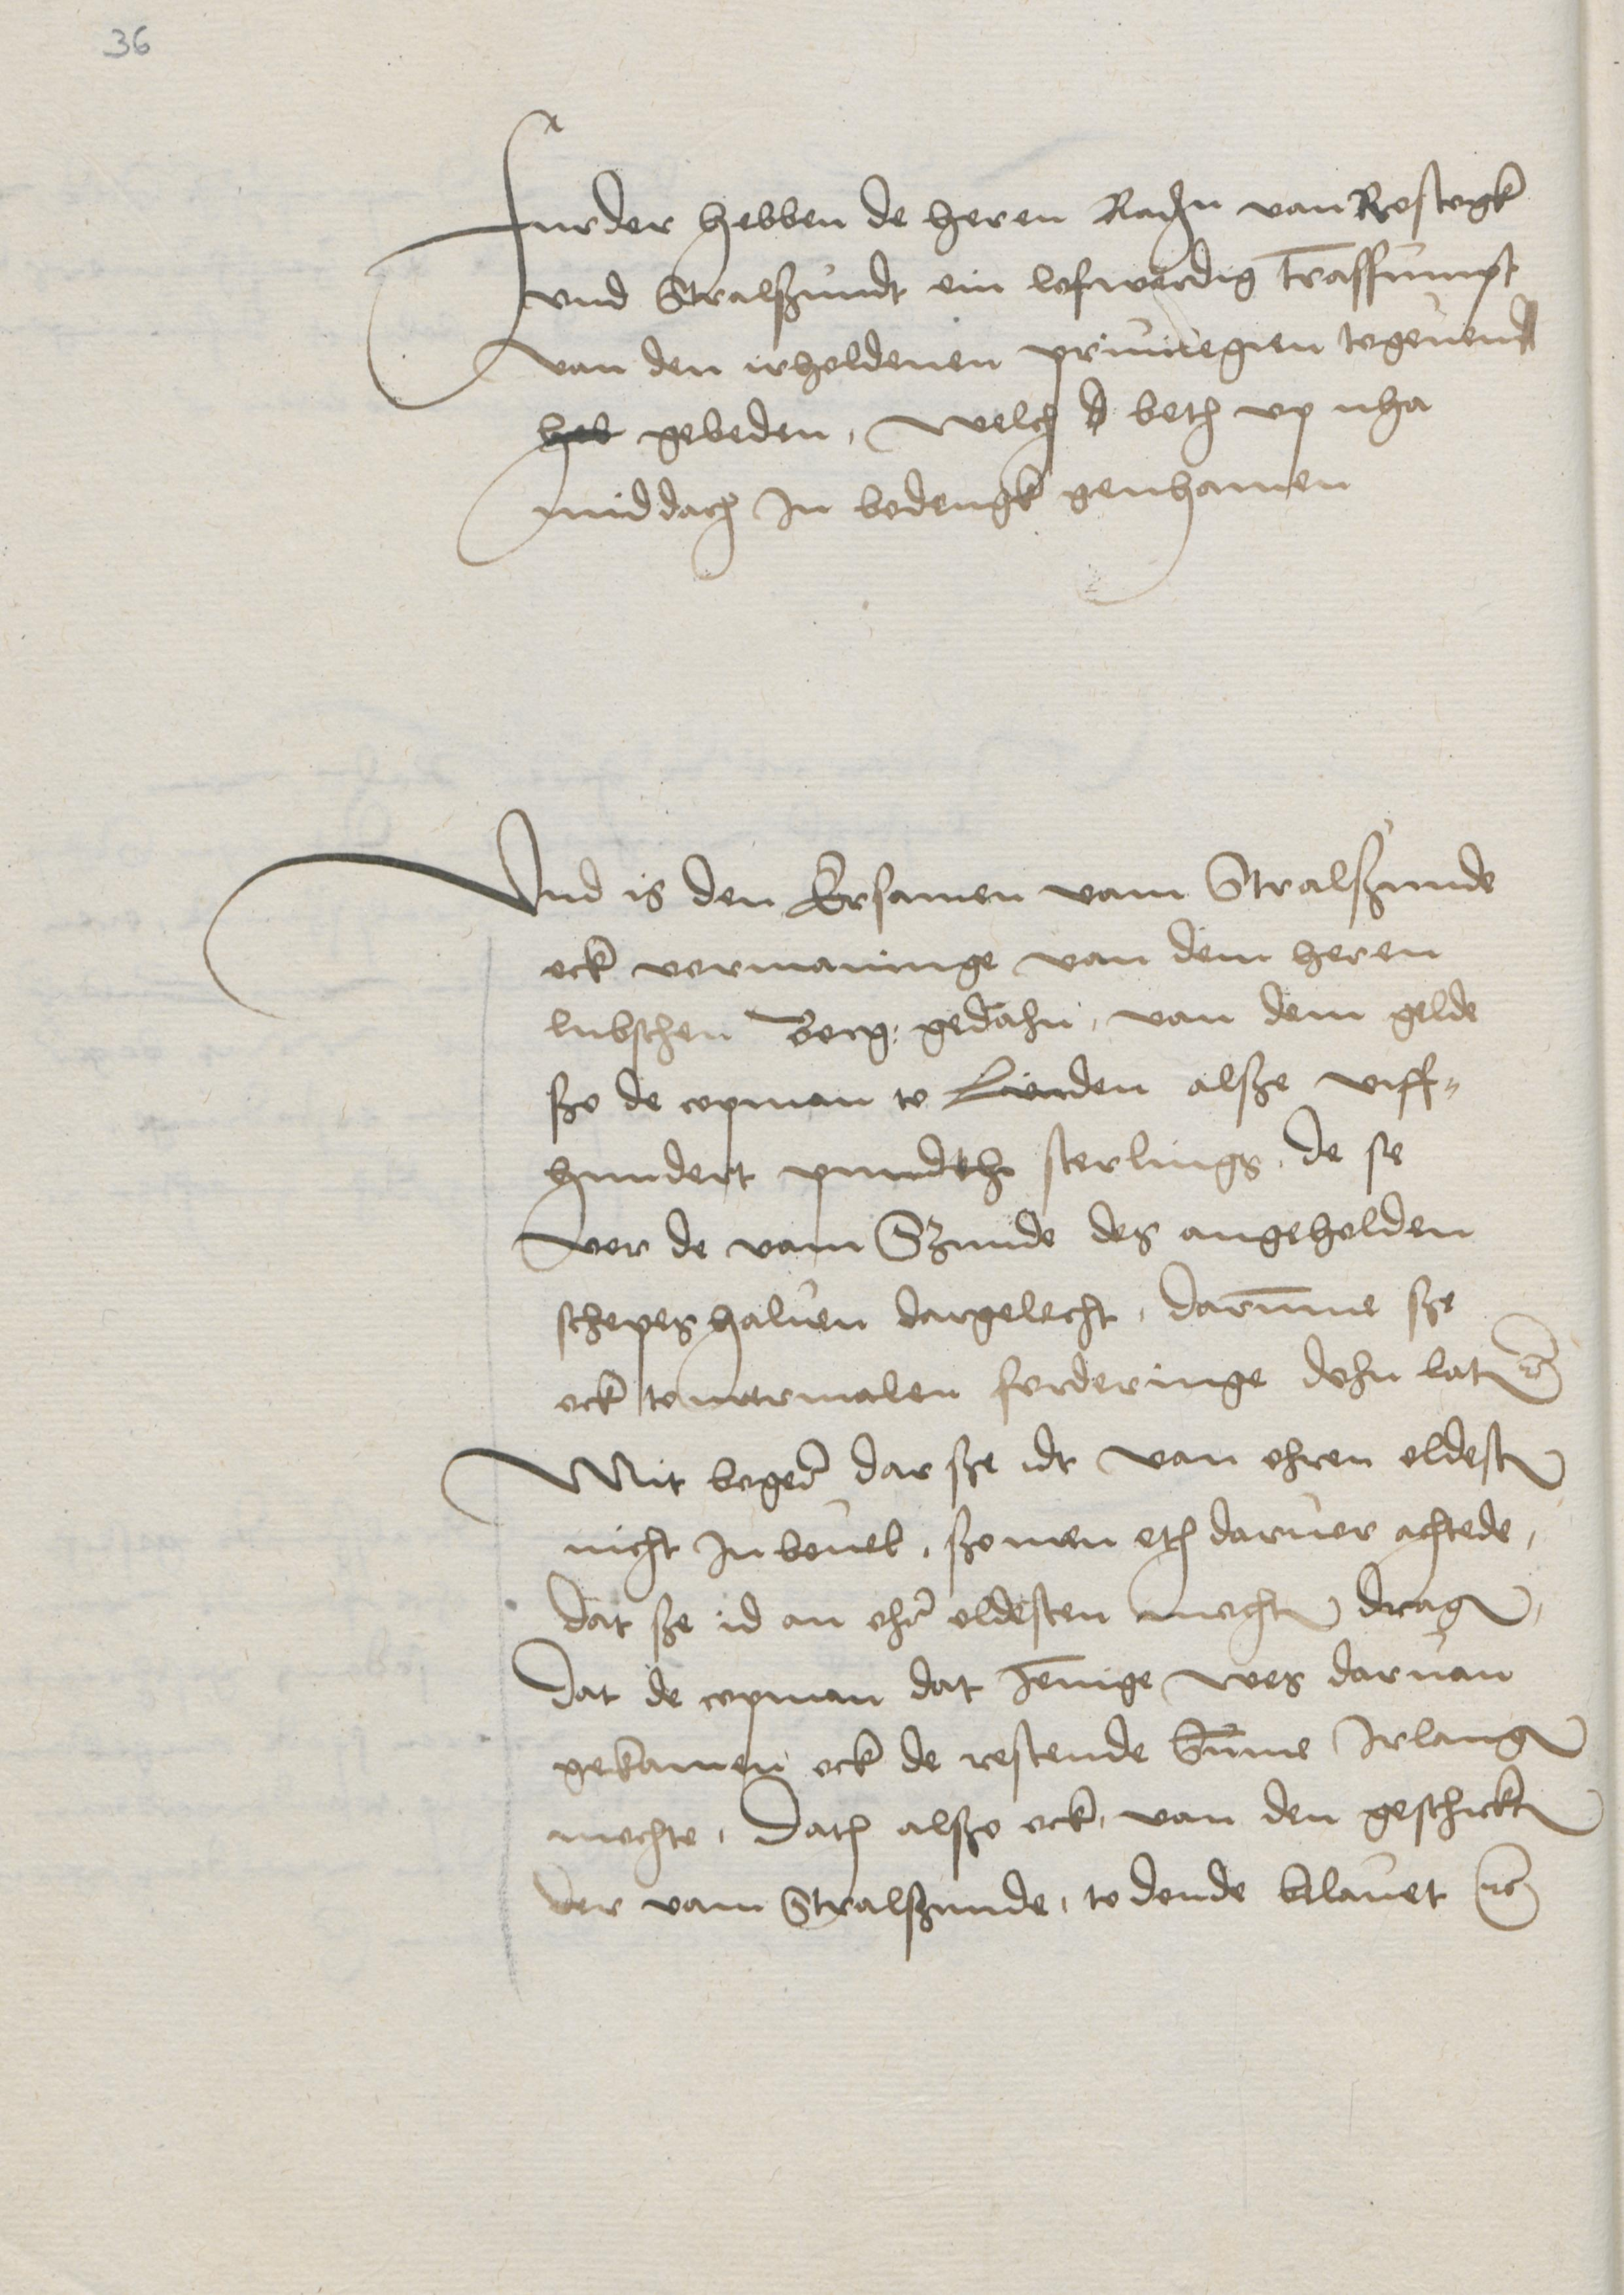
Furder hebben de heren Radessendeboden van Rostogk
vnd Stralßundt ein lofwerdig transsumpt
van den irholdenen priuilegien togeuendt
heb gebeden, welch d beth vp nha
middach jn bedengk genhamen
Vnd is den Ersamen vam Stralßunde
ock vormaninge van dem heren
lubschen Borgermeister gedahn, van dem gelde
ßo de copman to Lvnden alße viff¬
hundert pundthe sterlings, de ße
vor de vam Szunde des angeholden
schepes haluen dargelecht, darumme ße
ock to mermalen forderinge dohn laten etc
Mit boger dar ße idt van ohren eldesten
nicht jn beuel, ßo men eth daruer achtede,
dat ße id an ohre oldesten mochten dragen
dat de copman dat jennige wes daruan
gekamem ock de restende Summe Jrlangen
mochte, dath alßo ock van, den geschickten
der vam Stralßunde, to donde belauet etc
